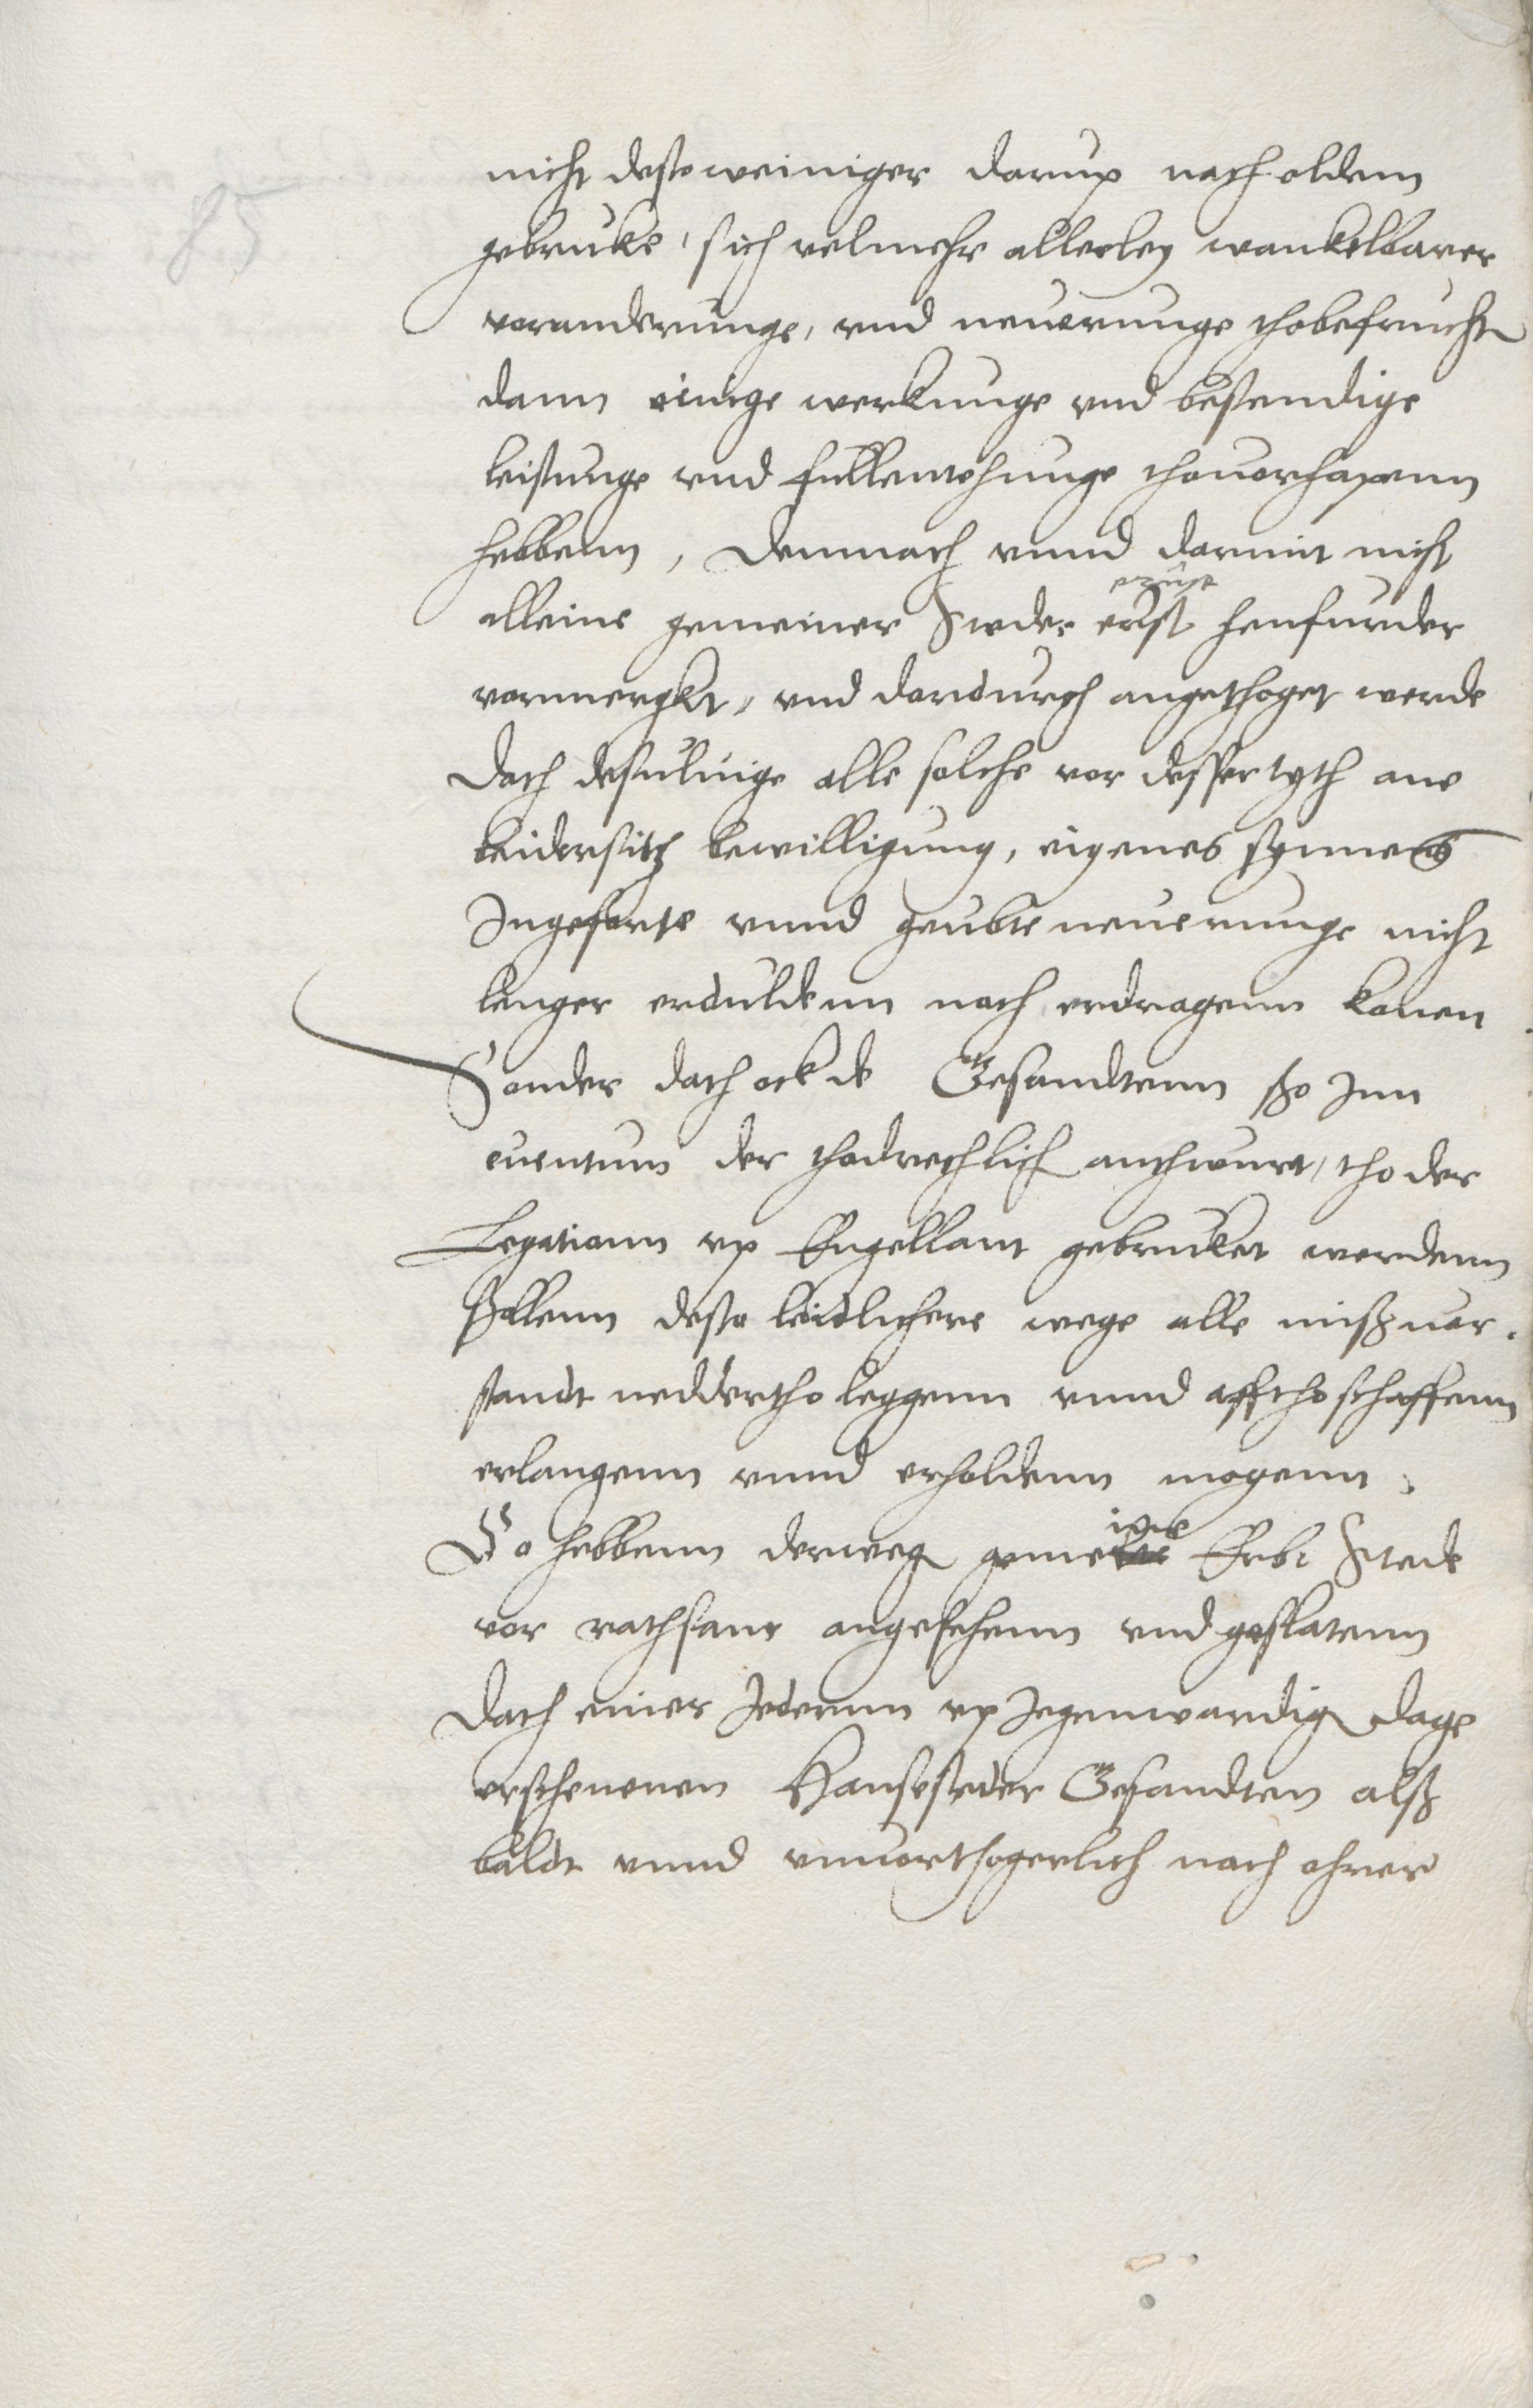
nicht desto weiniger darup nach oldem
gebruke, sich velmehr allerley wankelbarer
voranderunge, vnd neuerunge thobefruchten
dann einige werkunge vnd bestendige
leistunge vnd fullentehunge thouorhapenn
hebbenn, Demnach vnnd darmit nicht
ernst
alleine gemeiner Steder erst henfurder
vormergkt, vnd dardurch angethoget werde
Dath desuluige alle solche vor desser tyth ane
beidersitz bewilligung, eigenes synnen
jngeforte vnnd geubte neuerunge nicht
lenger erduldenn nach erdragenn konen
Sonder dath ock de Gesandtenn ßo jnn
euentum der thodrechlichen anthwurt, tho der
Legationn vp Engellant gebruket werdenn
ßollenn desto leidlichere wege alle mißuor¬
standt neddertho leggenn vnnd afftho schaffenn
erlangenn vnnd erholdenn mogenn.
So hebbenn derwegen gemelteine Erb: Stede
vor rathsam angesehenn vnd geslatenn
Dath einer jedernn vp jegenwardigen dage
erschenenen Hansesteder Gesandten alß
baldt vnnd vnuorthogerlich nach ohrer
